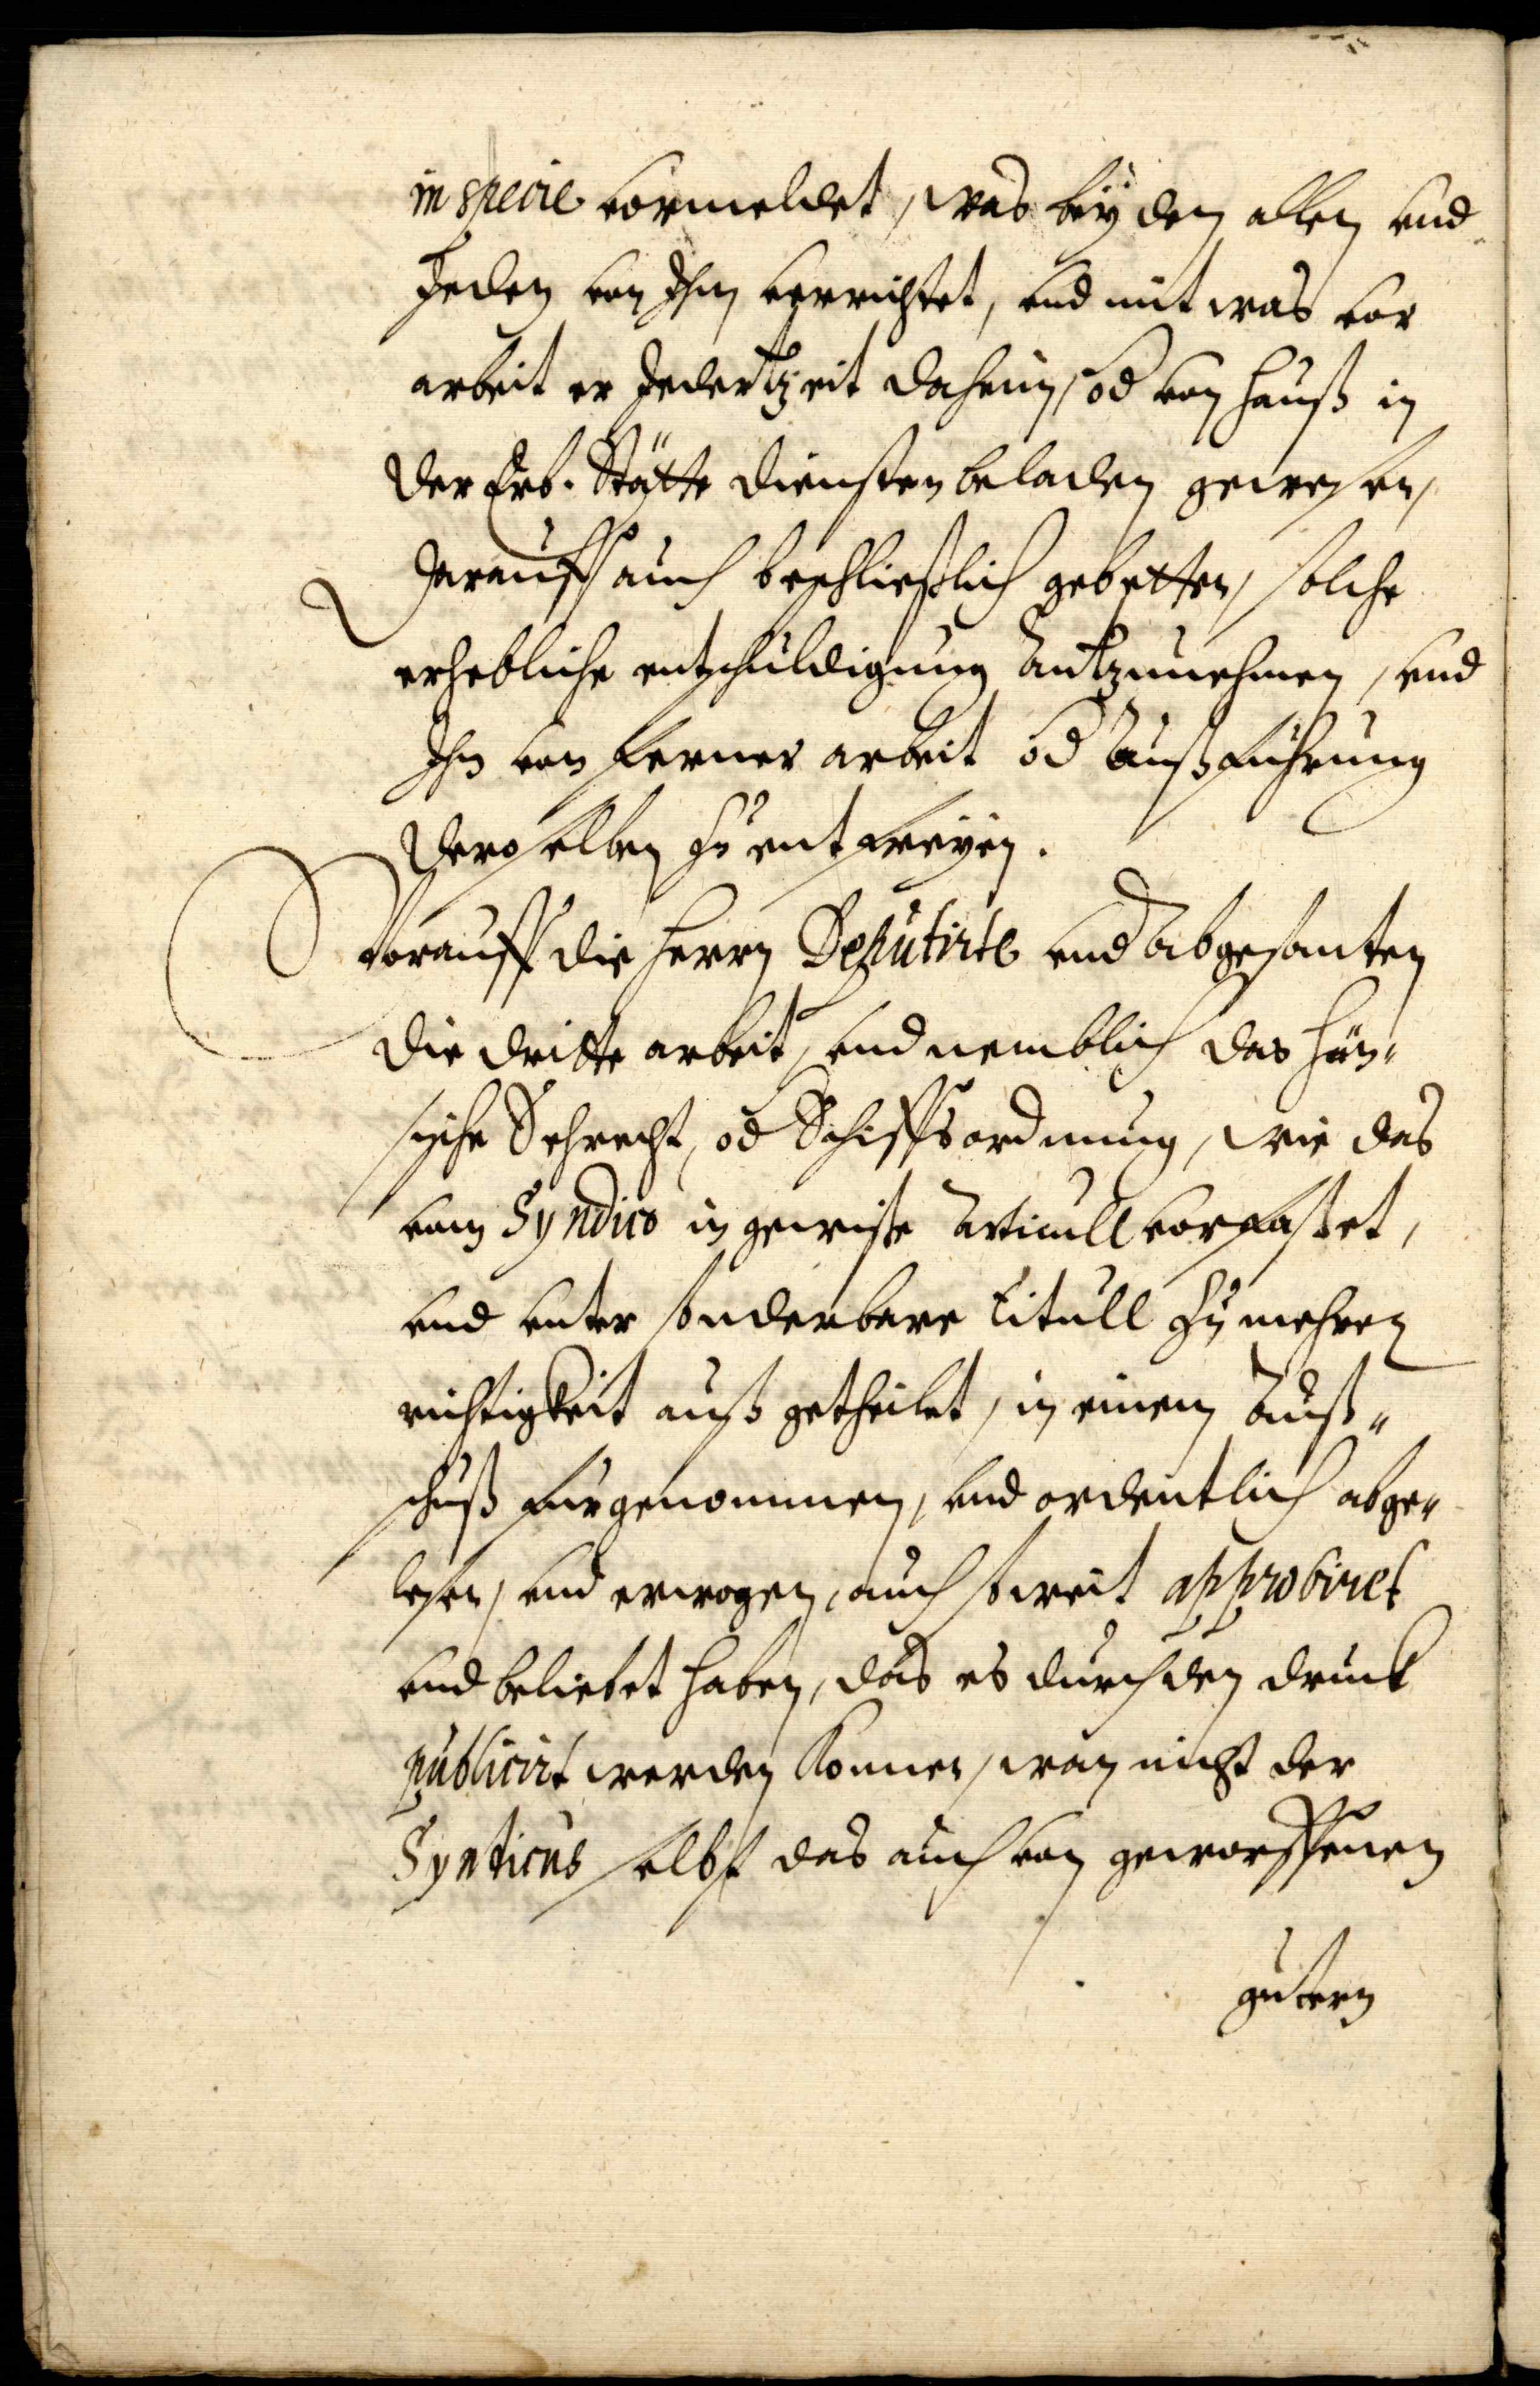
in specie vormeldet, was beij den allen vnd
jeden von Ihm verrichtet, vnd mit was vor
arbeit er jedertzeit daheim, oder von hauß in
der Erb. Stätte diensten beladen gewesen,
darauff auch beschließlich gebetten, solche
erhebliche entschuldigung Antzunehmen, vnd
Ihn von ferner arbeit oder Außfuhrung
deroselben zu entfreijen.
Worauff die herrn Deputirte vnd Abgesanten
die dritte arbeit, vnd nemblich das hän¬
sische Sehrecht, oder Schiffsordnung, wie das
vom Syndico in gewiße articull vorfaßet,
vnd vnter sonderbare titull zu mehren
richtigkeit auß getheilet, in einem Auß¬
schuß furgenommen, vnd ordentlich abge¬
lesen, vnd erwogen, auch soweit approbiret
vnd beliebet haben, das es durch den druck
publicirt werden konnen, wan nicht der
Syndicus selbst das auch von geworffenen
gutern
